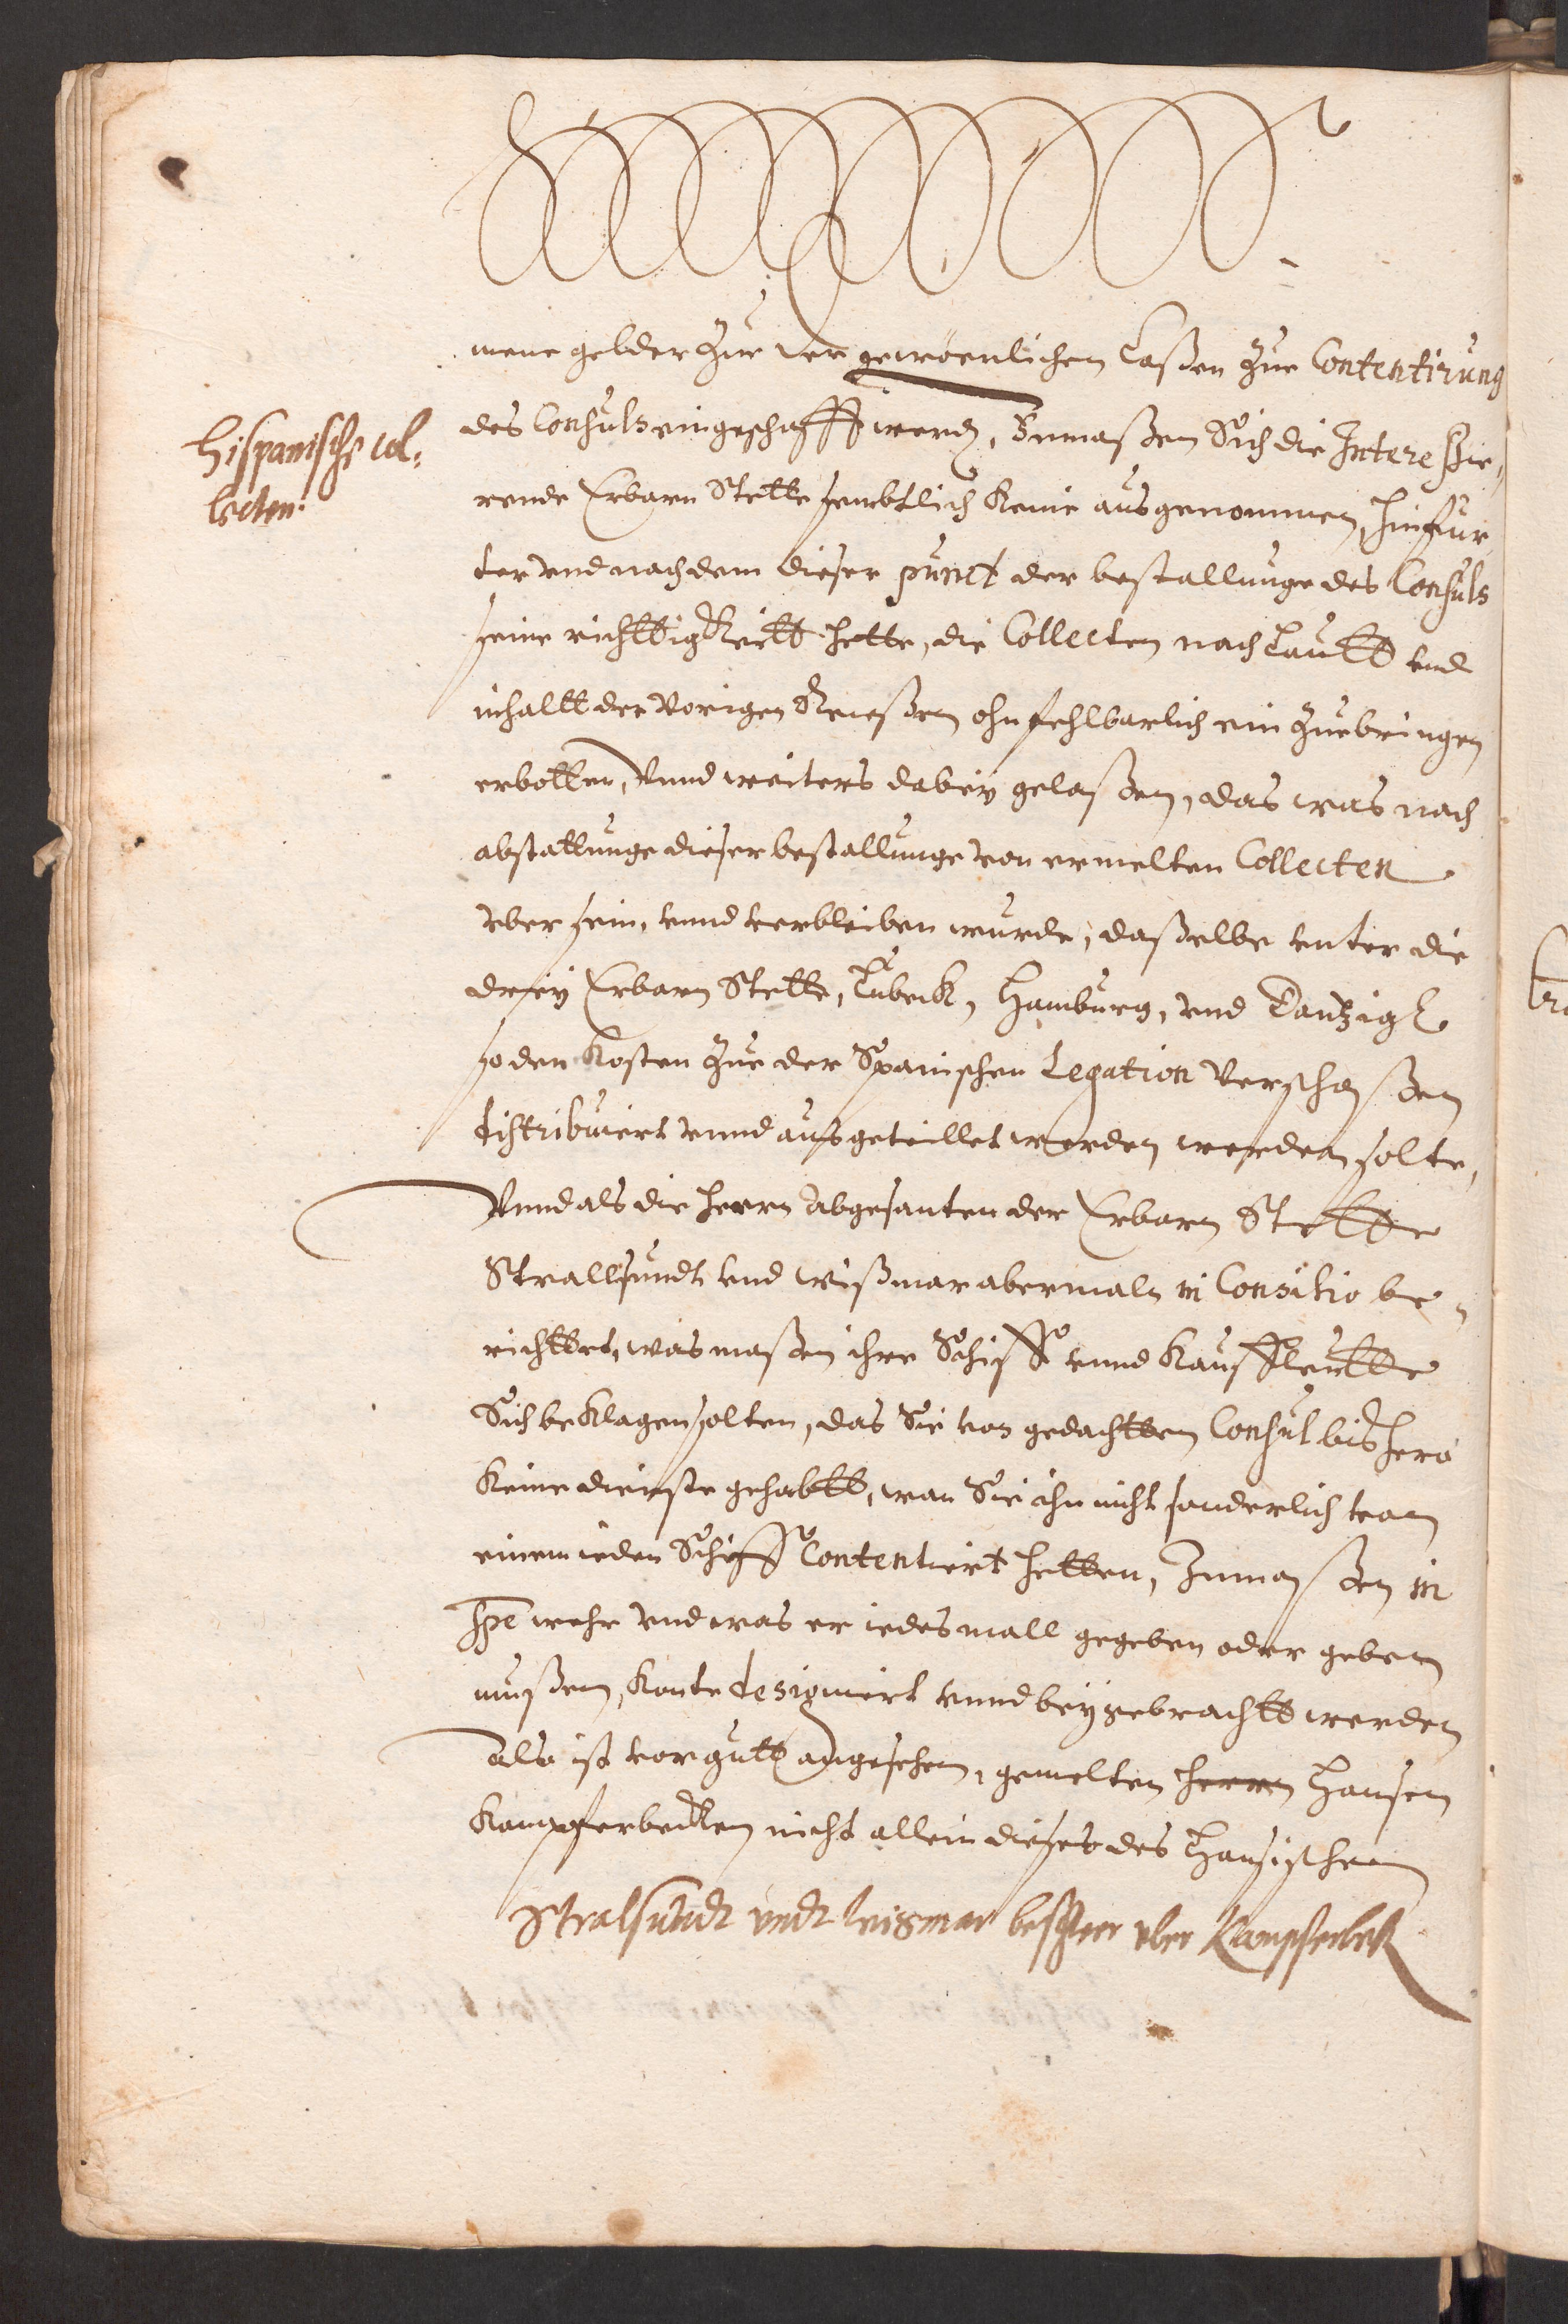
Hispanische col¬
lecten.
mene gelder zue der gewöenlichen Caßen zue Contentirung
des Consuls eingeschafft werden, Inmaßen Sich die Jntereßie¬
rende Erbarn Stette sembtlich keine ausgenommen, hinfur¬
ter vnd nachdem dieser punct der bestallunge des Consuls
seine richttigkeitt hette, die Collecten nach Lautt vnd
inhaltt der vorigen Receßen ohn fehlbarlich ein zuebringen
erbotten, Vnnd weiters dabeij gelaßen, das was nach
abstattunge dieser bestallunge von ermelten Collecten
vber sein, vnnd verbleiben wurde, daßelbe vnter die
dreij Erbarn Stette, Lubeck, Hamburg, vnd Dantzigk
so den kosten zue der Spanischen Legation verschoßen
distribuiert vnnd ausgeteillet werden werden solte,
Vnnd als die herrn Abgesanten der Erbarn Stette
Strallsundt vnd wißmar abermals in Consilio be¬
richttet, was maßen ihre Schiff vnd kauffleutte
Sich beklagen solten, das Sie von gedachtten Consul bishero
keine dienste gehabtt, wan Sie ihn nicht sonderlich von
einem ieden Schiff Contentiert hetten, Jnmaßen in
specie wehr vnd was er iedesmall gegeben oder geben
mußen, konte designiert vnnd beij gebrachtt werden
Als ist vor gutt angesehen, gemelten herrn Hansen
kampferbecken nicht allein dieses des Hansischen
Stralsund vnd Wismar beschwer vber Kampferbek
